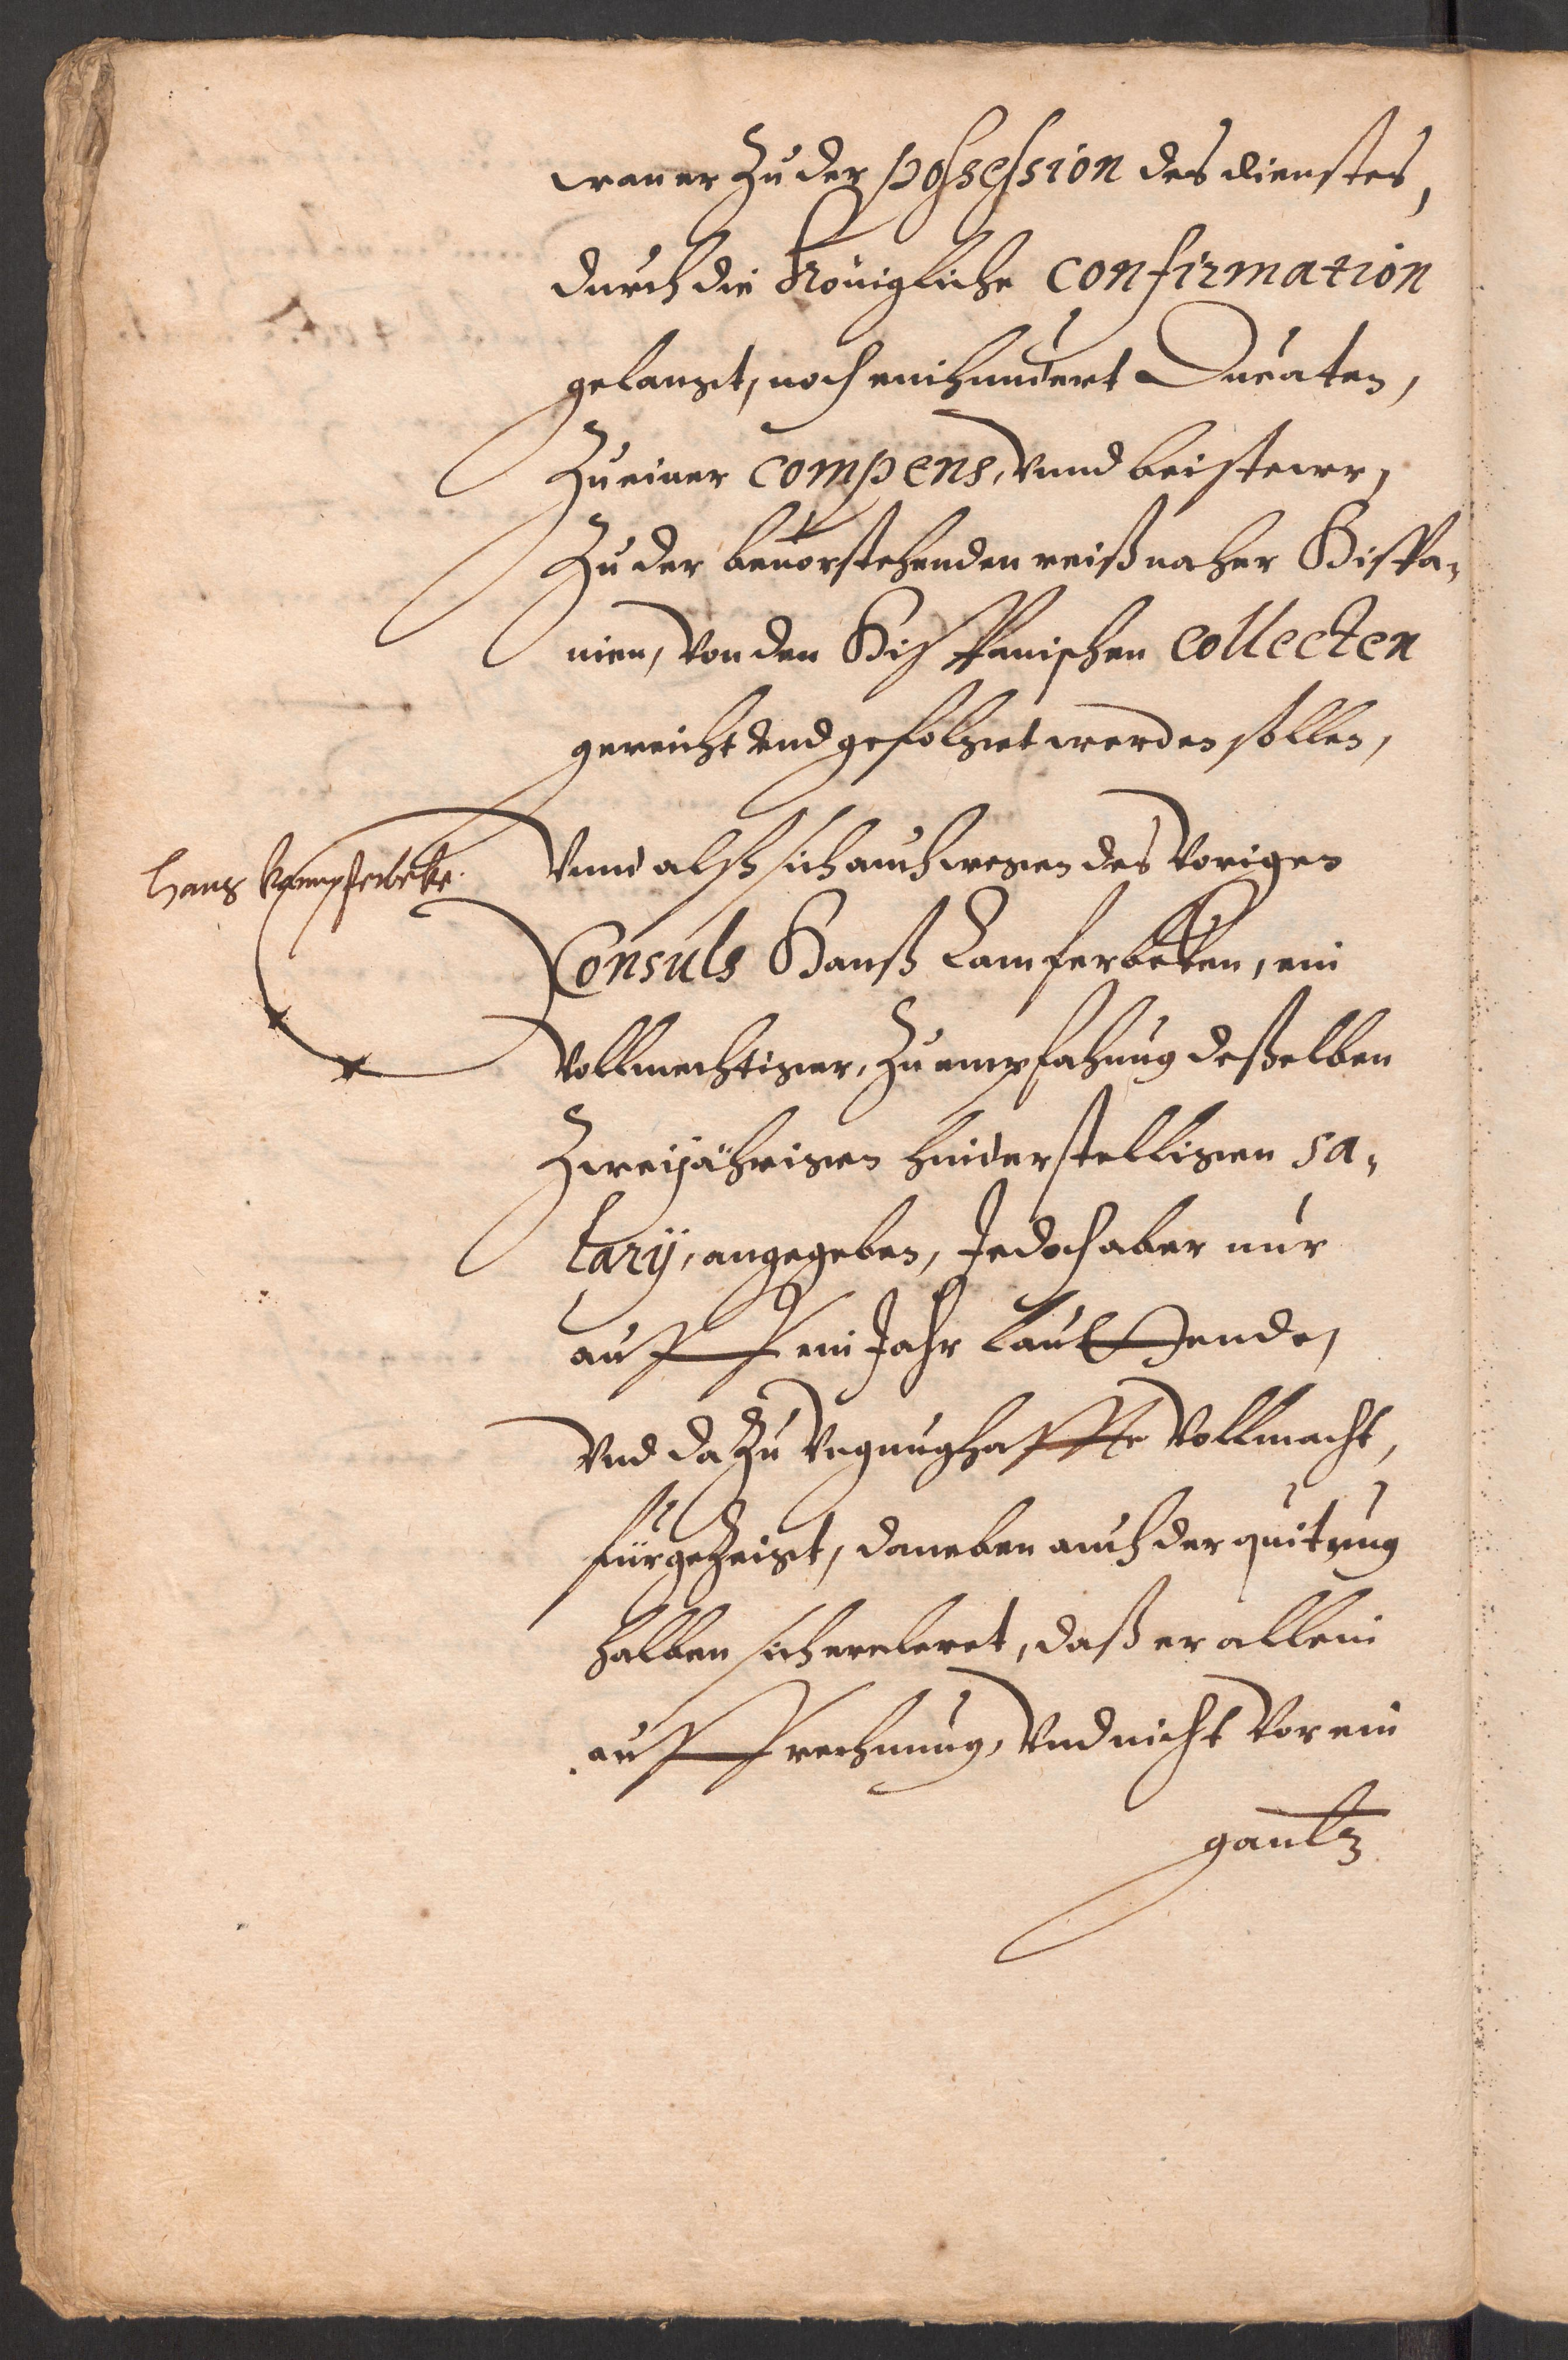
wan er zu der possession des dienstes,
durch die königliche confirmation
gelangt, noch einhundert Ducaten,
zu einer compens, vnnd beistewr,
zu der bevorstehenden reiß naher Hispa¬
nien, von den Hispanischen collecten
gereicht vnd gefolget werden sollen,
Vnnd alß sich auch wegen des vorigen
Consuls Hanß Camferbeken, ein
vollmechtiger, zu empfahung deßelben
zweijährigen hinderstelligen sa¬
larij, angegeben, jedoch aber nur
auff ein Jahr lauttende,
und dazu vegnughaftte vollmacht,
fürgezeigt, daneben auch der quitung
halben sich ercleret, daß er allein
auff rechnung, vnd nicht vor ein
gantz
Hans Kampferbeke.
